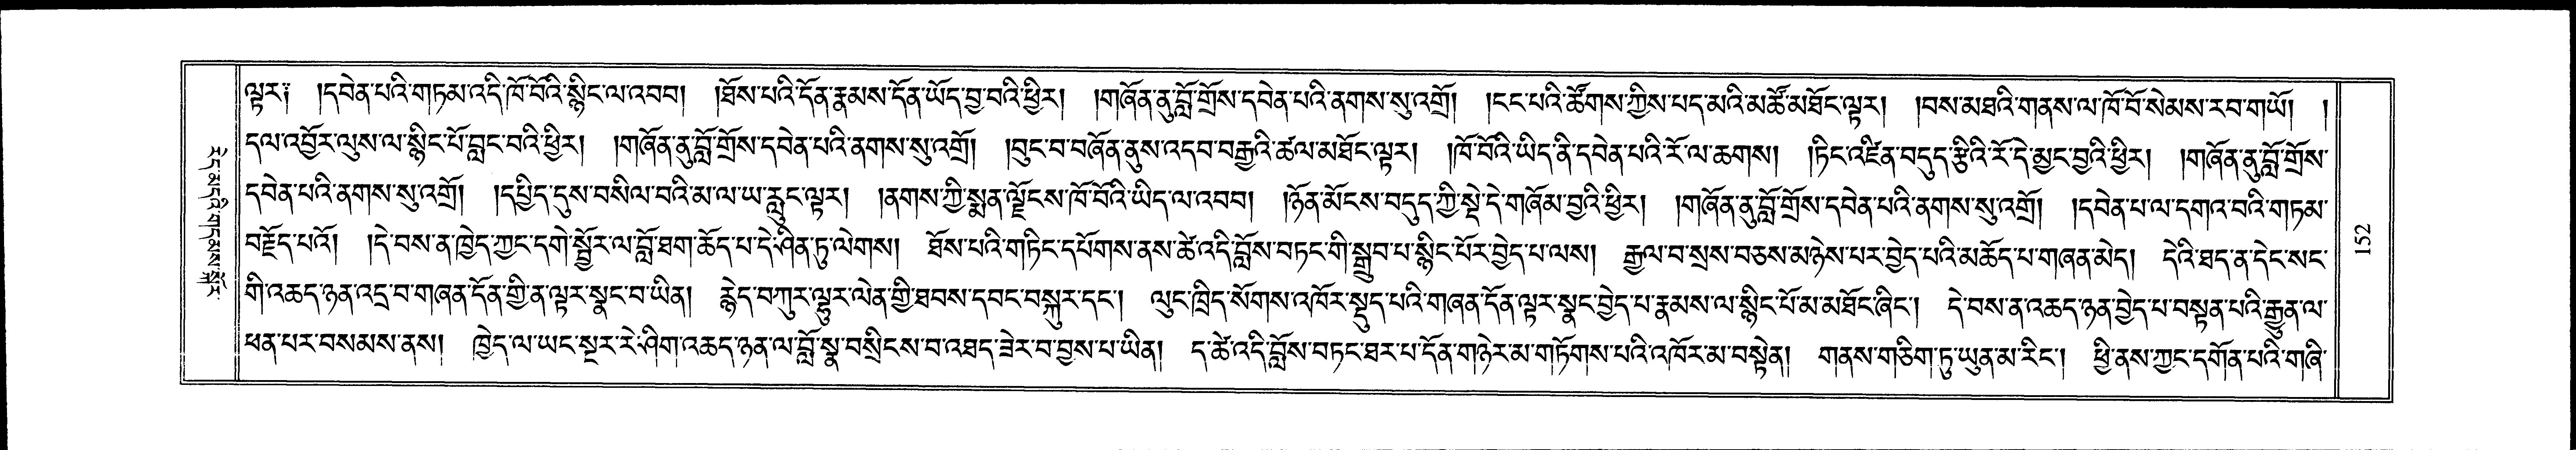ལྟར། །དབེན་པའི་གཏམ་འདི་ཁོ་བོའི་སྙིང་ལ་འབབ། །ཐོས་པའི་དོན་རྣམས་དོན་ཡོད་བྱ་བའི་ཕྱིར། །གཞོན་ནུ་བློ་གྲོས་དབེན་པའི་ནགས་སུ་འགྲོ། །ངང་པའི་ཚོགས་ཀྱིས་པད་མའི་མཚོ་མཐོང་ལྟར། །བས་མཐའི་གནས་ལ་ཁོ་བོ་སེམས་རབ་གཡོ། །
དལ་འབྱོར་ལུས་ལ་སྙིང་པོ་བླང་བའི་ཕྱིར། །གཞོན་ནུ་བློ་གྲོས་དབེན་པའི་ནགས་སུ་འགྲོ། །བུང་བ་བཞོན་ནུས་འདབ་བརྒྱའི་ཚལ་མཐོང་ལྟར། །ཁོ་བོའི་ཡིད་ནི་དབེན་པའི་རོ་ལ་ཆགས། །ཏིང་འཛིན་བདུད་རྩིའི་རོ་དེ་མྱང་བྱའི་ཕྱིར། །གཞོན་ནུ་བློ་གྲོས་
དབེན་པའི་ནགས་སུ་འགྲོ། །དཔྱིད་དུས་བསིལ་བའི་མ་ལ་ཡ་རླུང་ལྟར། །ནགས་ཀྱི་སྨན་ལྗོངས་ཁོ་བོའི་ཡི་ལ་འབབ། །ཉོན་མོངས་བདུད་ཀྱི་སྡེ་དེ་གཞོམ་བྱའི་ཕྱིར། །གཞོན་ནུ་བློ་གྲོས་དབེན་པའི་ནགས་སུ་འགྲོ། །དབེན་པ་ལ་དགའ་བའི་གཏམ་
བརྗོད་པའོ། །དེ་བས་ན་ཁྱེད་ཀྱང་དགེ་སྦྱོར་ལ་བློ་ཐག་ཆོད་པ་དེ་ཤིན་ཏུ་ལེགས། ཐོས་པའི་གཏིང་དཔོགས་ནས་ཚེ་འདི་བློས་བཏང་གི་སྒྲུབ་པ་སྙིང་པོར་བྱེད་པ་ལས། རྒྱལ་བ་སྲས་བཅས་མཉེས་པར་བྱེད་པའི་མཆོད་པ་གཞན་མེད། དེའི་ཐད་ན་དེང་སང་
གི་འཆད་ཉན་འདྲ་བ་གཞན་དོན་གྱི་ན་ལྟར་སྣང་བ་ཡིན། རྙེད་བཀུར་ལྷུར་ལེན་གྱི་ཐབས་དབང་བསྐུར་དང་། ལུང་ཁྲིད་སོགས་འཁོར་། ལུང་ཁྲིད་སོགས་འཁོར་ཨསྣང་བྱེད་པ་རྣམས་ལ་སྙིང་པོ་མ་མཐོང་ཞིང་། དེ་བས་ན་འཆད་ཉན་བྱེད་པ་བསྟན་པའི་རྒྱུན་ལ་
ཕན་པར་བསམས་ནས། ཁྱེད་ལ་ཡང་སྔར་རེ་ཤིག་འཆད་ཉན་ལ་བློ་སྣ་བསྲིངས་བ་འཐད་ཟེར་བ་བྱས་པ་ཡིན། ད་ཚེ་འདི་བློས་བཏང་ཐར་པ་དོན་གཉེར་མ་གཏོགས་པའི་འཁོར་མ་བསྟེན། གནས་གཅིག་ཏུ་ཡུན་མ་རིང་། ཕྱི་ནས་ཀྱང་དགོན་པའི་གཞི་